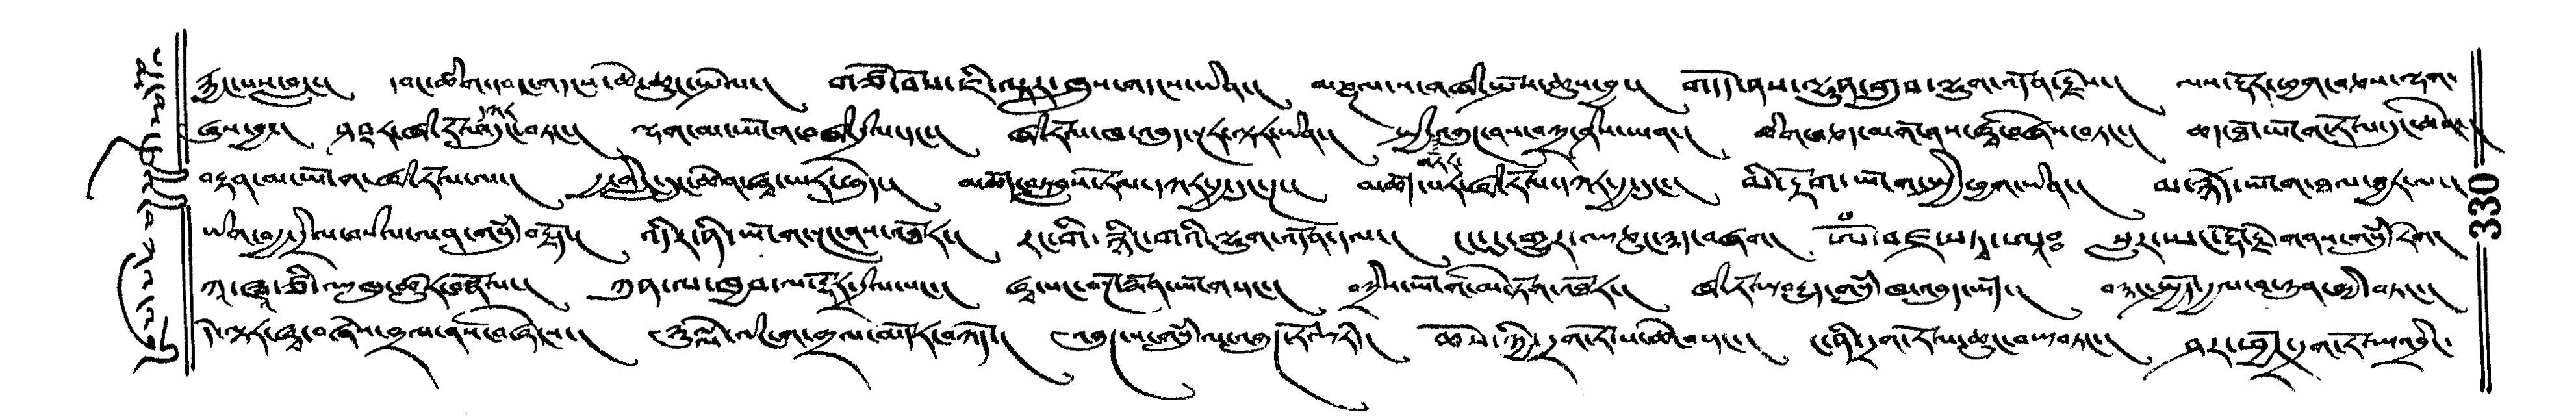རྐྱང་པས་བླང་། །དབང་ཚིག་དབང་གདངས་ཆེ་ཆུང་སྤེལ། །གཙོ་བོས་ཇི་ལྟར༴ ཁྲུས་གདངས་ཡིན། །མཎྜལ་ས་གཞི་སྤོས་ཆུས༴ བྱ། །གདོད་ནས་ལྷུན་གྲུབ༴ ལྷུག་འདོན་རྗེས། །ལས་རྡོར་ཕྱག་བཅས་ལྷག་
ཞུས་བྱ། །ཤབྡར་ཞི་རོལ་དུང་དཀར་བཏང་། །ལྷག་མ་ཡོ་ག་བཞི་དྲིལ་དང་། །ཞི་རོལ་ཁ་འབུད་སྔར་ལྟར་ཡིན། །སྤྱི་གཏོར་འགུགས་ནས་བཀྲ་ཤིས་ཡན། །ཚིགས་བཅད་མགོ་ནས་ཞྭ་བཞེས་བཏང་། །ཆད་ཐོ་ཡོ་ག་རོལ་དུང་ཆེན། །
བརྟན་མ་ཡོ་ག་ཞི་རོལ་ལ། །རྒྱ་གླིང་དུང་ཆེན་ཞྭ་ཡར་ཕུད། །མཆོད་རླབ་རོལ་དཀར་རྒྱ་དུང་ཌཱ། །མཆོད་པར་ཞི་རོལ་དཀར་རྒྱ་དུང་། མི་རྟོག༴ ཡོ་ག་སྤྱི་ཕྱག་ཡིན། །མ་རྙེད༴ ཡོ་ག་ཐལ་སྦྱར་ལ། །
ཡིག་བརྒྱ་དྲིལ་བསིལ་ལན་གསུམ་བརྗོད། །འདིར་ནི༴ ཡོ་ག་སྔགས་ནས་འཐོར། །རང་གི་སྙིང་གའི༴ ལྷུག་འདོན་དལ། ངང་དུ་གྱུར༴ ལས་ཅུང་ཟད་བཞག ཨོཾ་བཛྲ་སཏྭ་ཨཱཿ སླར་ཡང་རྡོ་རྗེ༴ གནས་གསུམ་རེག །
ཀཱ་ཝཱ་ཙི༴ ལ་ཁུ་ཚུར་བསྣོལ། །ཀུན་ལ་ཁྱབ༴ ལ་རྡོར་དྲིལ་པང་། །ཞྭ་པང་བསྔོ་སྨོན་ཡོ་ག་དང་། །བཀྲ་ཤིས་ཡོ་ག་མེ་ཏོག་འཐོར། །ཞི་རོལ་བརྒྱུད་གསུམ་ཁ་འབུད་ཡོད། །བཟང་སྤྱོད་རྒྱལ་བ་ཀུན་གྱི༴ བཏང་། །
དེ་ལྟར་ཞྭ་བཞེས་གྲལ་ནས་བཞེངས། །ཉུལླེའི་ལིང་ག་གྲལ་མདོར་བཀོད། །འགུགས་པ་གསུམ་ལ་འགུགས་རོལ་རེ། །ཆོས་ཀྱི༴ དྲག་རོལ་ཆེ་བ་དང་། །ང་ནི༴ དྲག་རོལ་ཆུང་བས་བཏང་། །ཤར་ཕྱོགས༴ དྲག་རོལ་འབྲིང་